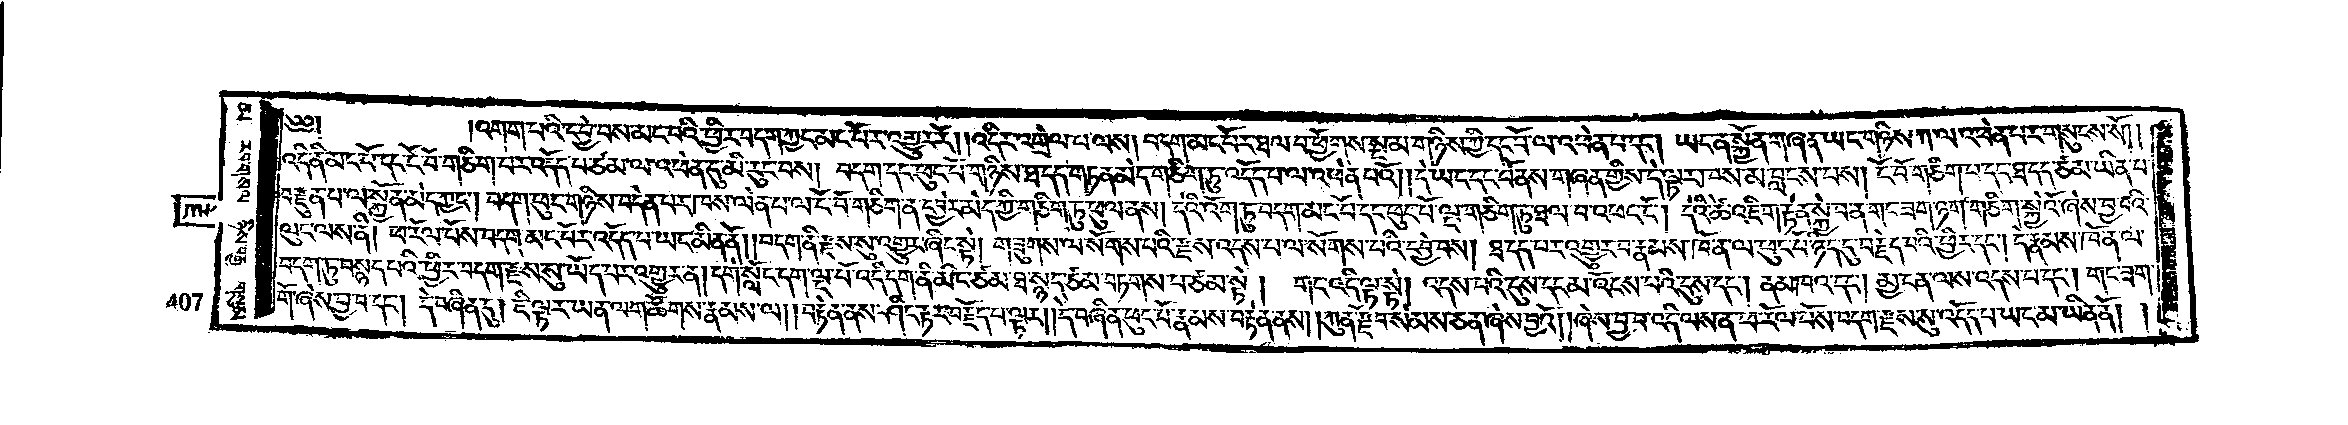༄༅། འགག་པའི་དབྱེ་བས་མང་བའི་ཕྱིར་བདག་ཀྱང་མང་པོར་འགྱུར་རོ། །འདིར་འགྲེལ་པ་ལས། བདག་མང་པོར་ཐལ་བ་ཕྱོགས་སྔ་མ་གཉིས་ཀྱི་དང་པོ་ལ་འཕེན་པ་དང་། ཡང་ན་སྐྱོན་གཞན་ཡང་གཉིས་ཀ་ལ་འཕེན་པར་གསུངས་སོ། །
འདི་ནི་མང་པོ་དང་ངོ་བོ་གཅིག་པར་འདོད་པ་ཙམ་ལ་འཕེན་དུ་མི་རུང་བས། བདག་དང་ཕུང་པོ་གཉིས་ཐ་དད་གཏན་མེད་གཅིག་ཏུ་འདོད་པ་ལ་འཕེན་པའོ། །དེ་ཡང་དང་པོ་ནས་གཞན་གྱིས་དེ་ལྟར་ཁས་མ་བླངས་པས། ངོ་བོ་གཅིག་པ་དང་ཐ་དད་ཙམ་ཡིན་པ་
བརྫུན་པ་ལ་སྐྱོན་མེད་ཀྱང་། བདག་ཕུང་གཉིས་བདེན་པར་ཁས་ལེན་པ་ལ་ངོ་བོ་གཅིག་ན་དབྱེར་མེད་ཀྱི་གཅིག་ཏུ་ཕུལ་ནས། དེའི་འོག་ཏུ་བདག་མང་པོ་དང་ཕུང་པོ་ལྔ་གཅིག་ཏུ་ཐལ་བ་འཕང་ངོ། དེའི་ཚེ་འཇིག་རྟེན་སྐྱེ་བ་ན་གང་ཟག་ཉག་གཅིག་སྐྱེའོ་ཞེས་བྱ་བའི་
ལུང་ལས་ནི། ཕ་རོལ་པོས་བདག་མང་པོར་འདོད་པ་ཡང་མིན་ནོ། །བདག་ནི་རྫས་སུ་འགྱུར་ཞིང་སྟེ། གཟུགས་ལ་སོགས་པའི་རྫས་འདས་པ་ལ་སོགས་པའི་དབྱེ་བས། ཐ་དད་པར་འགྱུར་བ་རྣམས་ཁོ་ན་ལ་ཕུང་པོ་ཉིད་དུ་བརྗོད་པའི་ཕྱིར་དང་། དེ་རྣམས་ཁོ་ན་ལ་
བདག་ཏུ་བསྙད་པའི་ཕྱིར་བདག་རྫས་སུ་ཡོད་པར་འགྱུར་ན། དགེ་སློང་དག་ལྔ་པོ་འདི་དག་ནི་མིང་ཙམ་ཐ་སྙད་ཙམ་བཏགས་པ་ཙམ་སྟེ། གང་འདི་ལྟ་སྟེ། འདས་པའི་དུས་དང་མ་འོངས་པའི་དུས་དང་། ནམ་མཁའ་དང་། མྱ་ངན་ལས་འདས་པ་དང་། གང་ཟག་
གོ་ཞེས་བྱ་བ་དང་། དེ་བཞིན་དུ། ཇི་ལྟར་ཡན་ལག་ཚོགས་རྣམས་ལ། །བརྟེན་ནས་ཤིང་རྟར་བརྗོད་པ་ལྟར། །དེ་བཞིན་ཕུང་པོ་རྣམས་བརྟེན་ནས། །ཀུན་རྫོབ་སེམས་ཅན་ཞེས་བྱའོ། །ཞེས་བྱ་བ་འདི་ལས་ན་ཕ་རོལ་པོས་བདག་རྫས་སུ་འདོད་པ་ཡང་མ་ཡིན་ནོ། །